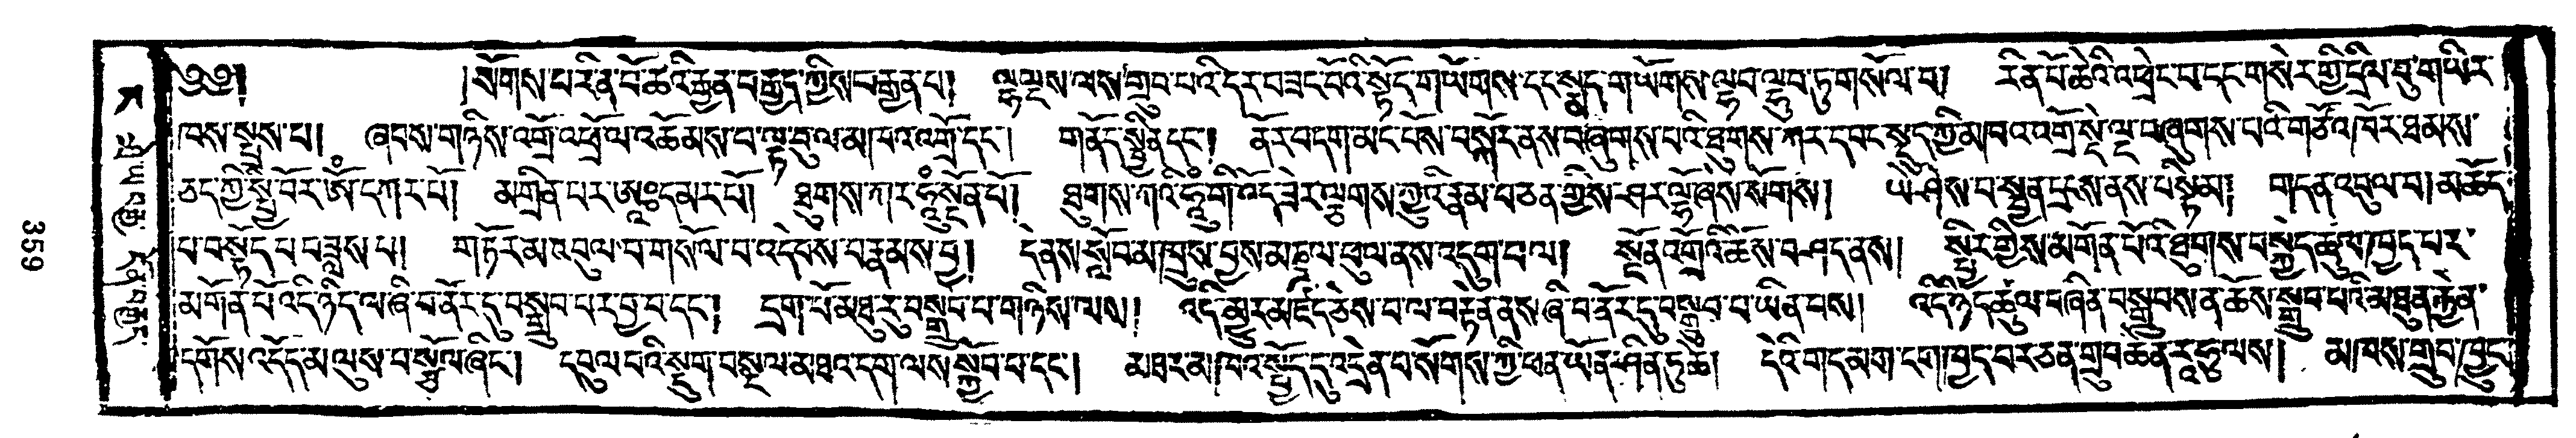༄༅། །སོགས་པ་རིན་པོ་ཆའི་རྒྱན་བརྒྱད་ཀྱིས་བརྒྱན་པ། ལྷ་ལྔ་ལས་གྲུབ་པའི་དར་བཟང་པོའི་སྟོད་གཡགས་དང་སྨད་གཡོགས་ལྷ་བ་ལྷུབ་ཏུ་གསོལ་བ། རིན་པོ་ཆེའི་འཕྲེང་བ་དང་གསེར་གྱི་དྲིལ་བུ་གཡིར་
ཁས་སྤྲས་པ། ཞབས་གཉིས་འགྲོ་འཕྲོ་ལ་འཆོམས་བ་ལྟ་བུ་ལ་མཁའ་གྲོ་དང་། གནོད་སྦྱིན་དང་། ནོར་བདག་མང་པོས་བསྐོར་ནས་བཞུགས་བའི་ཐུགས་ཀར་དབང་སྡུད་ཀྱི་མཁའ་འགྲོར་སྡེ་ལྔ་བཞུགས་པའི་གཙོའ་འཁོར་ཐམས་
ཅད་ཀྱི་སྤྱི་བོར་ཨོཾ་དཀར་པོ། མགྲིན་པར་ཨཱཿ དམར་པོ། ཐུགས་ཀར་ཧཱུཾ་སྔོན་པོ། ཐུགས་ཀའི་ཧཱུཾ་གི་འོད་ཟེར་ལྕགས་ཀྱུའི་རྣམ་བཅན་གྱིས་ཤར་ལྷོ་ཞེས་སོགས། །ཡེ་ཤེས་པ་སྤྱན་དྲང་ནས་བསྟན། གདན་འབུལ་བ། མཆོད་
པ་བསྟོད་པ་བཟླས་པ། གཏོར་མ་འབུལ་བ་གསོལ་བ་འདེབས་པ་རྣམས་བྱ། །དེ་ནས་སློབ་མ་ཁྲུས་བྱས་མཎྜལ་ཕུལ་ནས་འདུག་པ་ལ། སྔོན་འགྲོའི་ཆོས་བཤད་ནས། སྤྱིར་གྱིས་མགོན་པོའི་ཐུགས་བསྐྱེད་ཚུལ་ཁྱད་པར་
མགོན་པོ་འདི་ཉིད་ལ་ཞི་བ་ནོར་དུ་བསྒྲུབ་པར་བྱ་བ་དང་། དྲག་པོ་མཐུ་རུ་བསྒྲུབ་པ་གཉིས་ལས། འདི་མྱུར་མཛད་ཅེས་པ་ལ་བརྟན་ནས་ཞི་བ་ནོར་དུ་བསྒྲུབ་པ་ཡིན་པས། འདི་ཉིད་ཚུལ་བཞིན་བསྒྲུབས་ན་ཆོས་སྒྲུབ་པའི་མཐུན་རྐྱེན་
དགོས་འདོད་མ་ལུས་པ་སྩོལ་ཞིང་། དབུལ་བའི་སྡུག་བསྔལ་མཐའ་དག་ལས་སྐྱོབ་བ་དང་། མཐར་མཁའ་སྤྱོད་དུ་འདྲེན་བ་སོགས་ཀྱི་ཕན་ཡོན་ཤིན་ཏུ་ཆེ། དེའི་གདྨག་དག་ཁྱད་པར་ཅན་གྲུབ་ཆེན་རཱ་ཧཱུ་ལས། མཁས་གྲུབ་ཁྱུང་